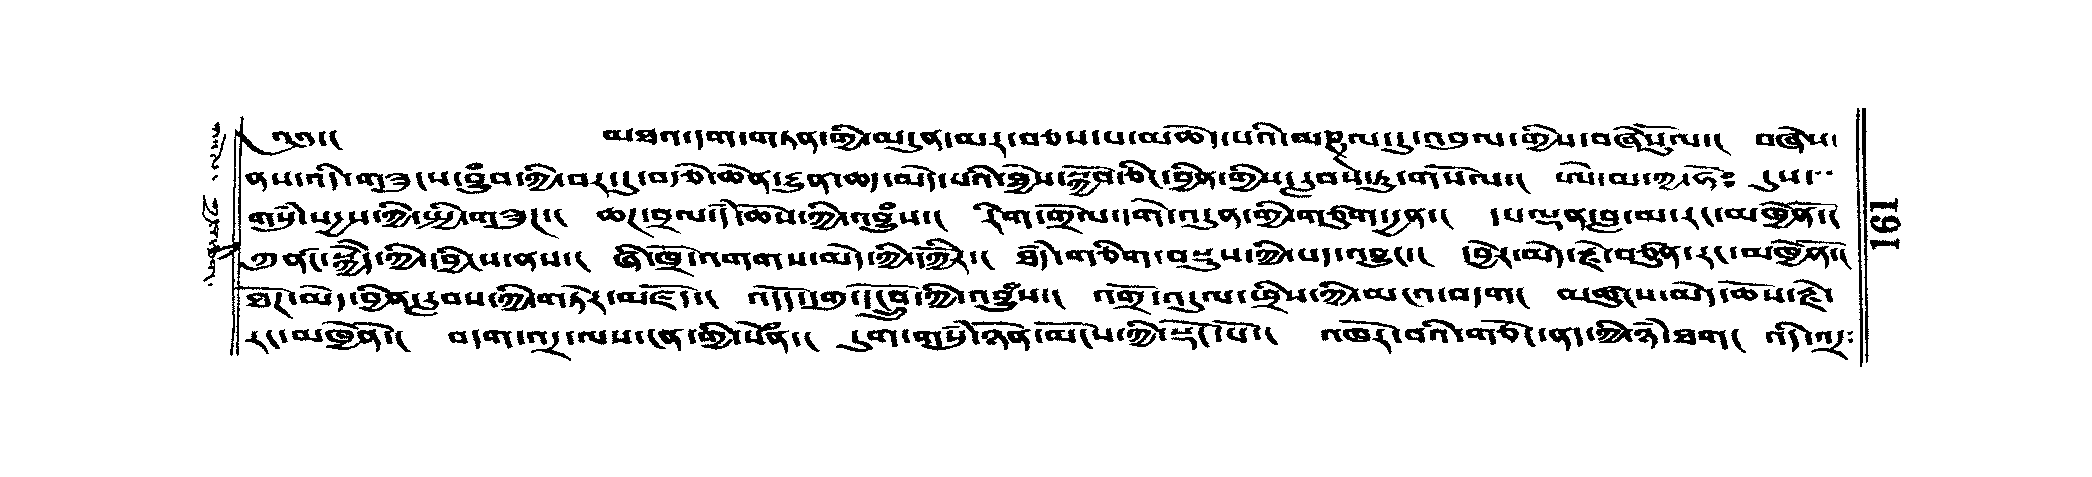མཐའ་དག་གཏན་གྱི་མདུན་མར་བཅས་པ་མཆོད་པའི་མཎྜལ་དུ་འབུལ་གྱིས་བཞེས་སུ་གསོལ། བཞེས་
ནས་འདི་བཟུང་བྱང་ཆུབ་ཀྱི་བར་དུ་བརྩེ་ཆེན་རྒྱུན་ཆད་མེད་པའི་ཐུགས་རྗེས་སྐྱོབ་ཅིང་བྱིན་གྱིས་བརླབ་ཏུ་གསོལ། ཨེ་མ་ཀྱེ་ཧོཿ དུས་
གསུམ་སངས་རྒྱས་ཀྱི་སྤྱི་གཟུགས། །ཆགས་བྲལ་དམ་ཆོས་ཀྱི་འབྱུང་གནས། །རིག་གྲོལ་དགེ་འདུན་གྱི་གཙུག་རྒྱན། །དཔལ་ལྡན་བླ་མ་རང་མཁྱེན་ནོ། །
ཀུན་བཟང་སྐྱེ་མེད་ཀྱི་དབྱིངས་ནས། །ཞི་ཁྲོ་འགགས་མེད་ཀྱི་དཀྱིལ་འཁོར། །ཐམས་ཅད་གཅིག་བསྡུས་ཀྱི་པད་འབྱུང་། །དབྱེར་མེད་རྗེ་བཙུན་རང་མཁྱེན་ནོ། ། 
ཐོགས་མེད་བྱིན་རླབས་ཀྱི་གཏེར་མཛོད། །འདོད་དགུ་དངོས་གྲུབ་ཀྱི་འབྱུང་གནས། །འགྲོ་འདུལ་ཕྲིན་ལས་ཀྱི་མངའ་བདག །མཚུངས་མེད་ཆོས་རྗེ་
རང་མཁྱེན་ནོ། །བདག་འདྲ་ལས་ངན་གྱི་སེམས་ཅན། །དུག་གསུམ་ཉོན་མོངས་ཀྱི་སྡོང་པོ། །འཁོར་བའི་གཅོང་ནད་ཀྱི་ཉམ་ཐག །འདི་འདྲ་